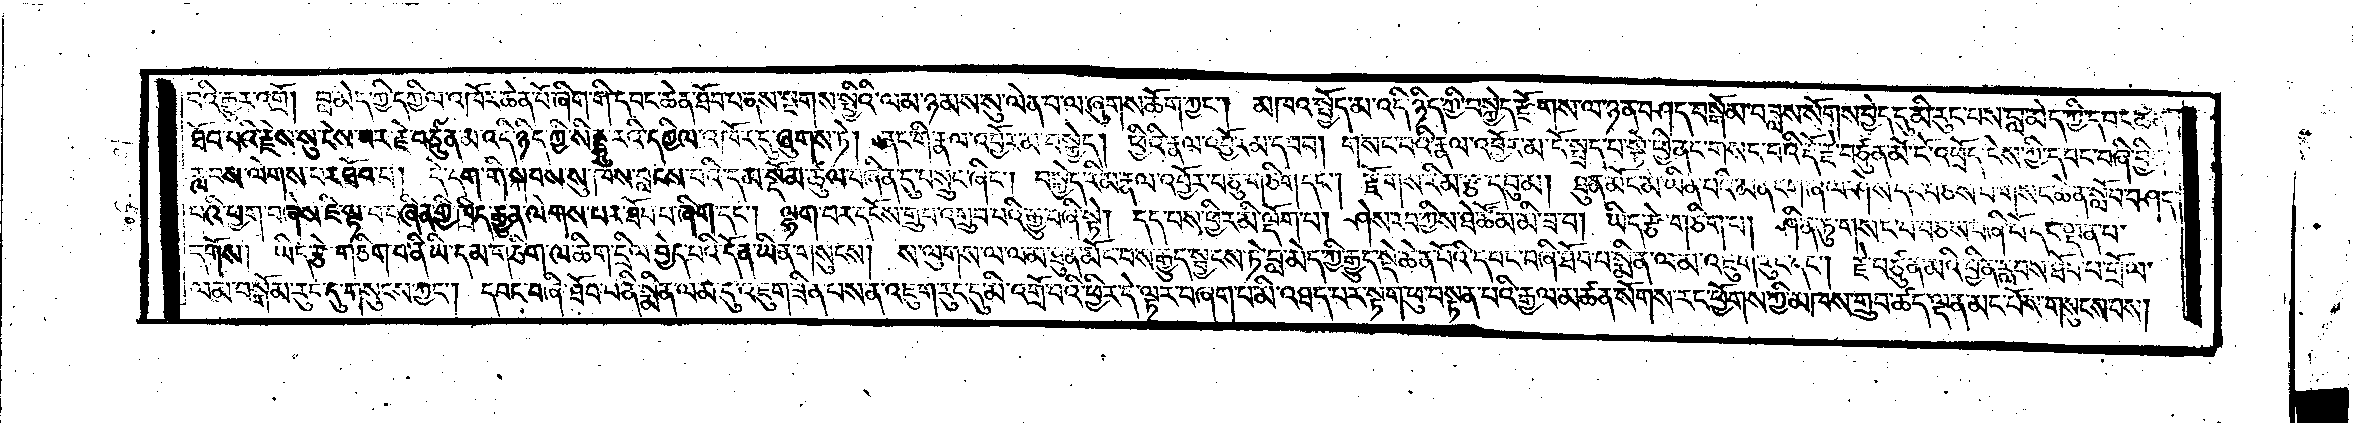བའི་རྒྱུར་འགྲོ། བླ་མེད་ཀྱི་དཀྱིལ་འཁོར་ཆེན་པོ་ཞིག་གི་དབང་ཆེན་ཐོབ་པ་ནས་སྔགས་སྤྱིའི་ལམ་ཉམས་སུ་ལེན་པ་ལ་ཞུགས་ཆོག་ཀྱང་། མཁའ་སྤྱོད་མ་འདི་ཉིད་ཀྱི་བསྐྱེད་རྫོགས་ལ་ཉན་བཤད་བསྒོམ་བཟླས་སོགས་བྱེད་དུ་མི་རུང་བས་བླ་མེད་ཀྱི་དབང་ཆེན་
ཐོབ་པའི་རྗེས་སུ་ངེས་པར་རྗེ་བཙུན་མ་འདི་ཉིད་ཀྱི་སིནྡྷཱུ་རའི་དཀྱིལ་འཁོར་དུ་ཞུགས་ཏེ། ནང་གི་རྣལ་འབྱོར་མ་བསྐྱེད། ཕྱིའི་རྣལ་འབྱོར་མ་དབབ། གསང་བའི་རྣལ་འབྱོར་མ་ངོ་སྤྲད་པ་སྟེ་ཕྱི་ནང་གསང་བའི་རྡོ་རྗེ་བཙུན་མོ་ངོ་འཕྲོད་ངེས་ཀྱི་དབང་བཞི་བྱིན་
རླབས་ལེགས་པར་ཐོབ་པ། དེ་ངག་གི་སྐབས་སུ་ཁས་བླངས་པའི་དམ་སྡོམ་ཚུལ་བཞིན་དུ་བསྲུང་ཞིང་། བསྐྱེད་རིམ་རྣལ་འབྱོར་བཅུ་གཅིག་དང་། རྫོགས་རིམ་རྩ་དབུ་མ། ཐུན་མོང་མ་ཡིན་པའི་མན་ངག་ཞལ་ཤེས་དང་བཅས་པ་གསང་ཆེན་སློབ་བཤད་
པའི་ཕྱག་བཞེས་ཇི་ལྟ་བ་བཞིན་གྱི་ཁྲིད་རྒྱུན་ལེགས་པར་ཐོབ་པ་ཞིག་དང་། ལྷག་པར་དངོས་གྲུབ་འགྲུབ་པའི་རྒྱུ་བཞི་སྟེ། དད་པས་ཕྱིར་མི་ལྡོག་པ། ཤེས་རབ་ཀྱིས་ཐེ་ཚོམ་མི་ཟ་བ། ཡིད་རྩེ་གཅིག་པ། ཤིན་ཏུ་གསང་བ་བཅས་བཞི་པོ་དང་ལྡན་པ་
དགོས། ཡིད་རྩེ་གཅིག་པ་ནི་ཡི་དམ་གཅིག་ལ་ཆིག་དྲིལ་བྱེད་པའི་དོན་ཡིན་གསུངས། ས་ལུགས་ལ་ལམ་ཐུན་མོང་བས་རྒྱུད་སྦྱངས་ཏེ་བླ་མེད་ཀྱི་རྒྱུད་སྡེ་ཆེན་པོའི་དབང་བཞི་ཐོབ་པ་སྨིན་ལམ་འཇུག་རུང་དང་། རྗེ་བཙུན་མའི་བྱིན་རླབས་ཐོབ་པ་གྲོལ་
ལམ་བསྒོམ་རུང་དུ་གསུངས་ཀྱང་། དབང་བཞི་ཐོབ་པ་ནི་སྨིན་ལམ་དུ་འཇུག་ཟིན་པས་ན་འཇུག་རུང་དུ་མི་འགྲོ་བའི་ཕྱིར་དེ་ལྟར་བཞག་པ་མི་འཐད་པར་སྟག་ཕུ་བསྟན་པའི་རྒྱལ་མཚན་སོགས་རང་ཕྱོགས་ཀྱི་མཁས་གྲུབ་ཚད་ལྡན་མང་པོས་གསུངས་པས།